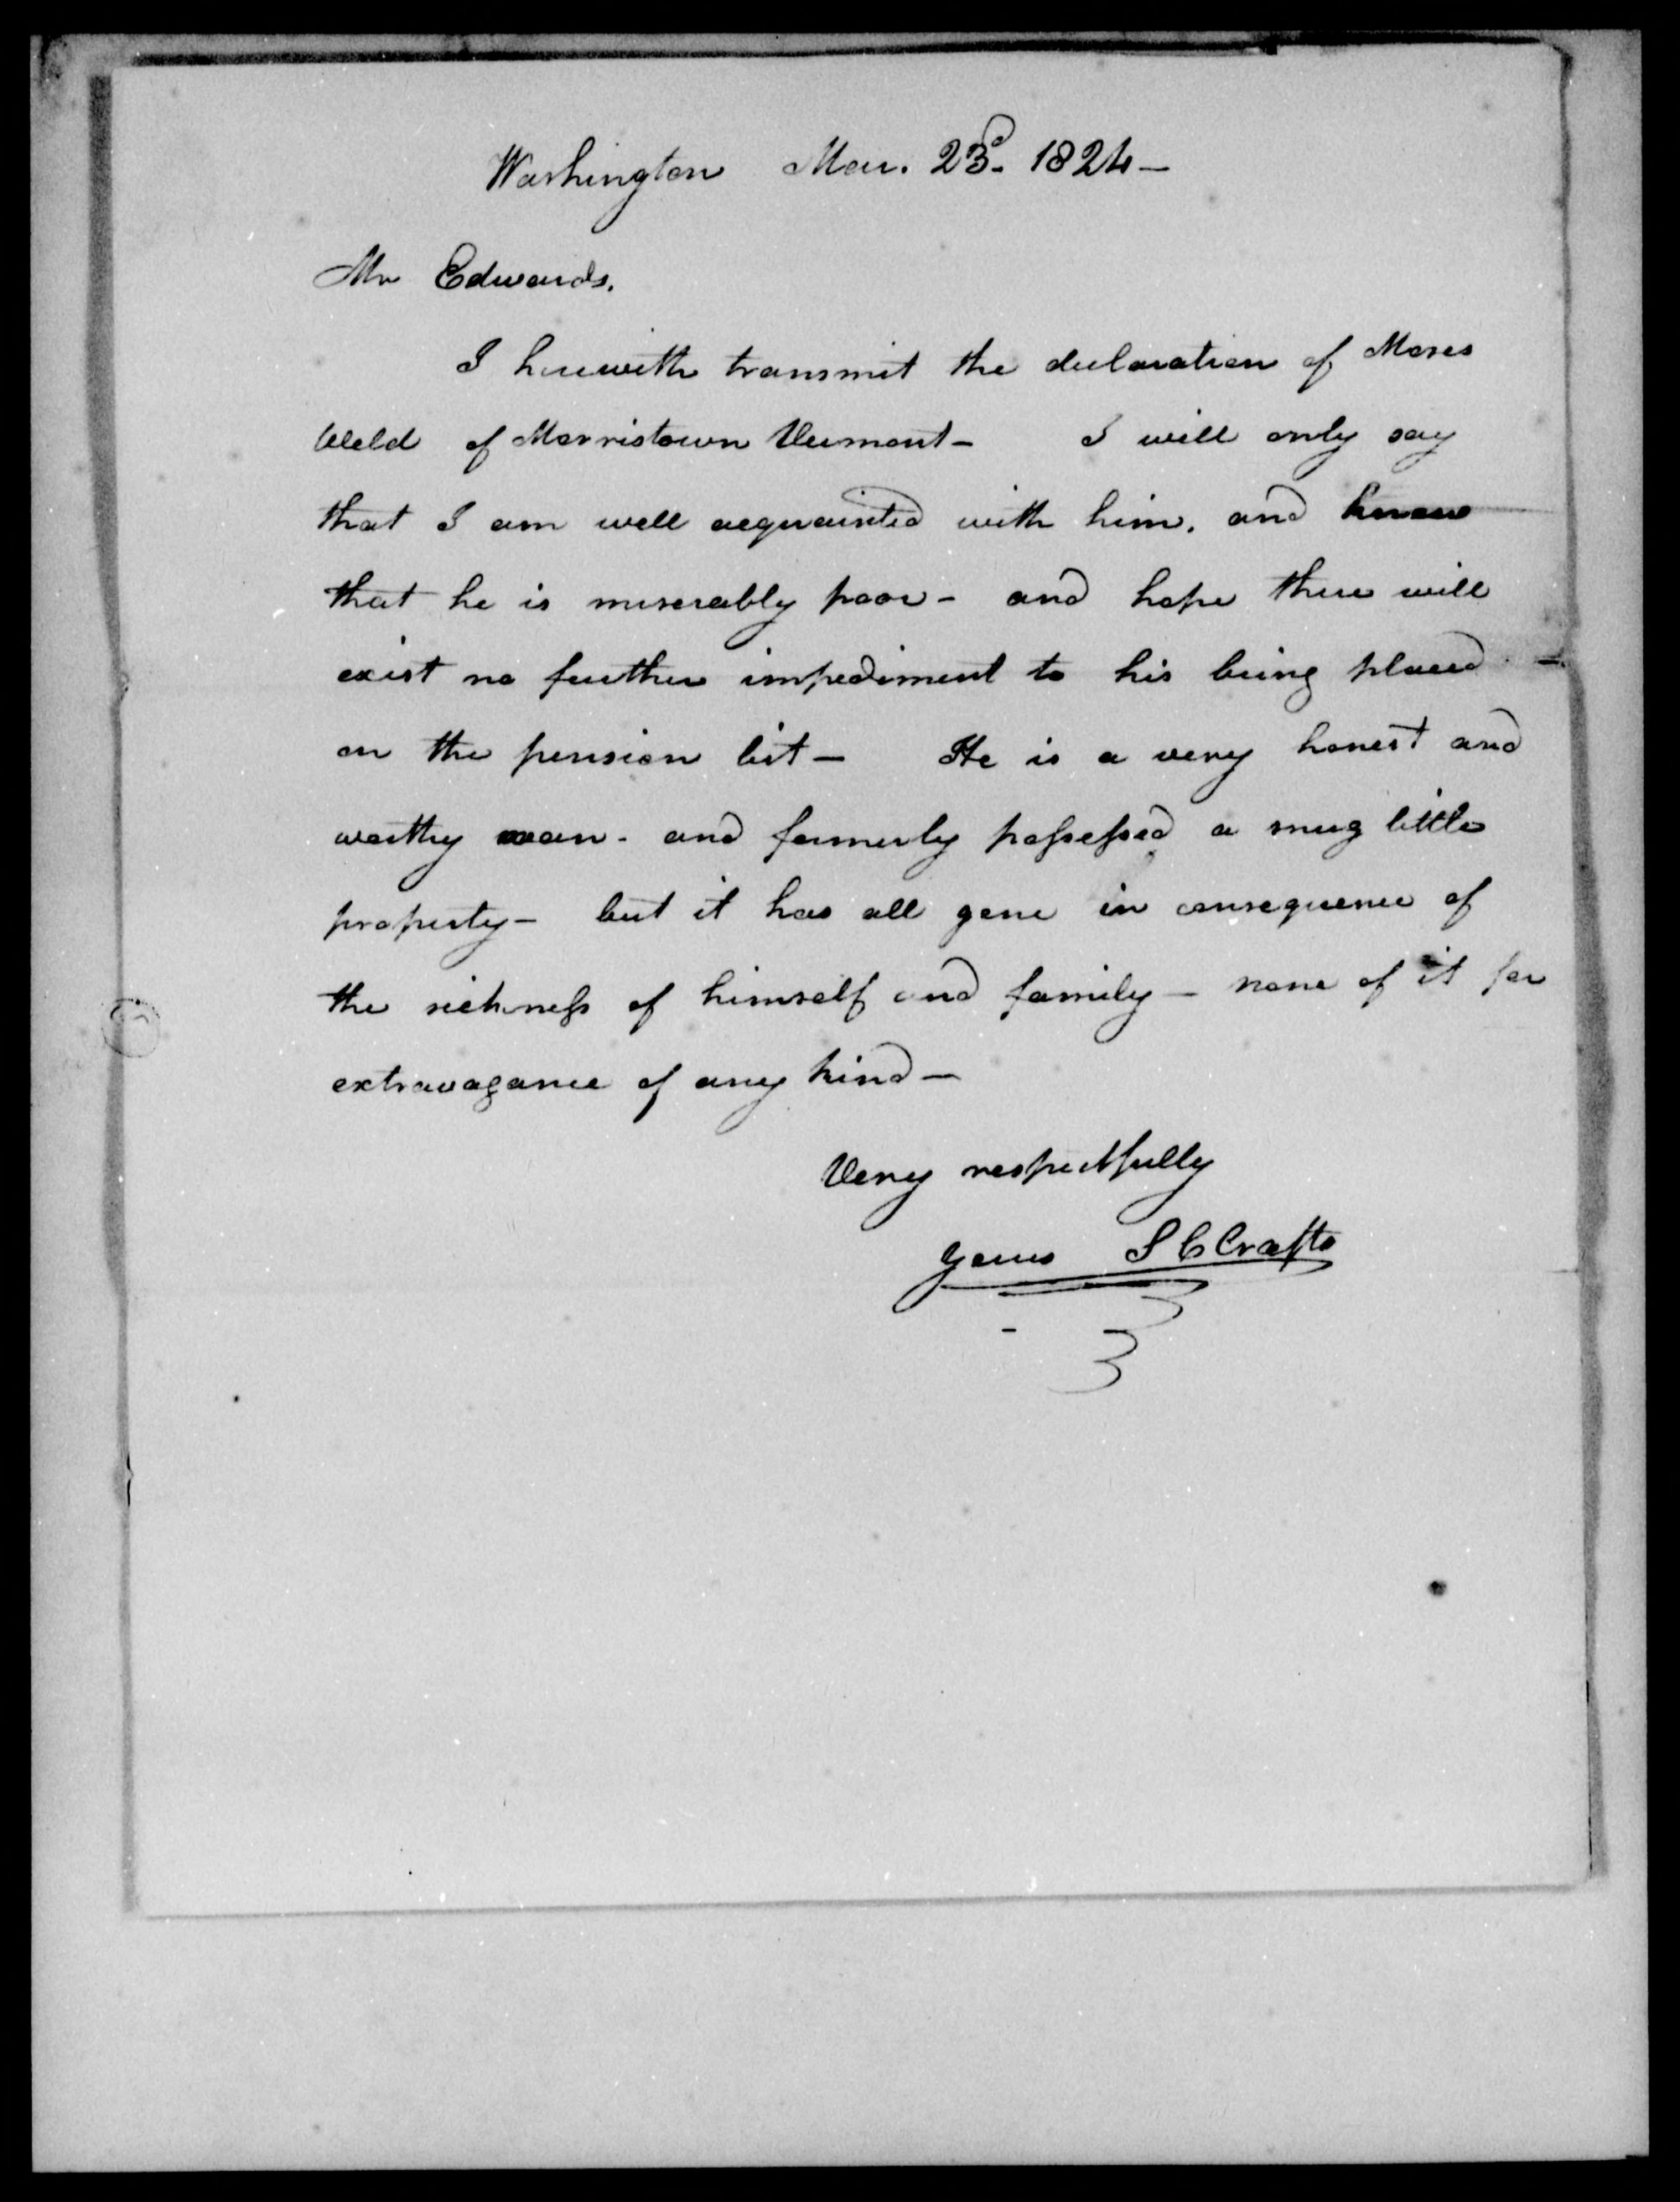Washington Mar. 23d 1824 -
Mr Edwards
I herewith transmit the declaration of Moses Weld of Morristown Vermont-  I will only say
that I am well acquainted with him, and know
that he is miserably poor - and hope there will
exist no further impediment to his being placed on the pension list-- He is a very honest and worthy man.  and formerly possessed a snug little property - but it has all gone in consequence of the mishap of himself and family - none of it for
extravagance of any kind
Very respectfully
yours    S C Crafts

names: S C Crafts, Edwards, Moses Weld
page: 27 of 87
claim: widow's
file: W. 25,966, Moses Weld, Mass.